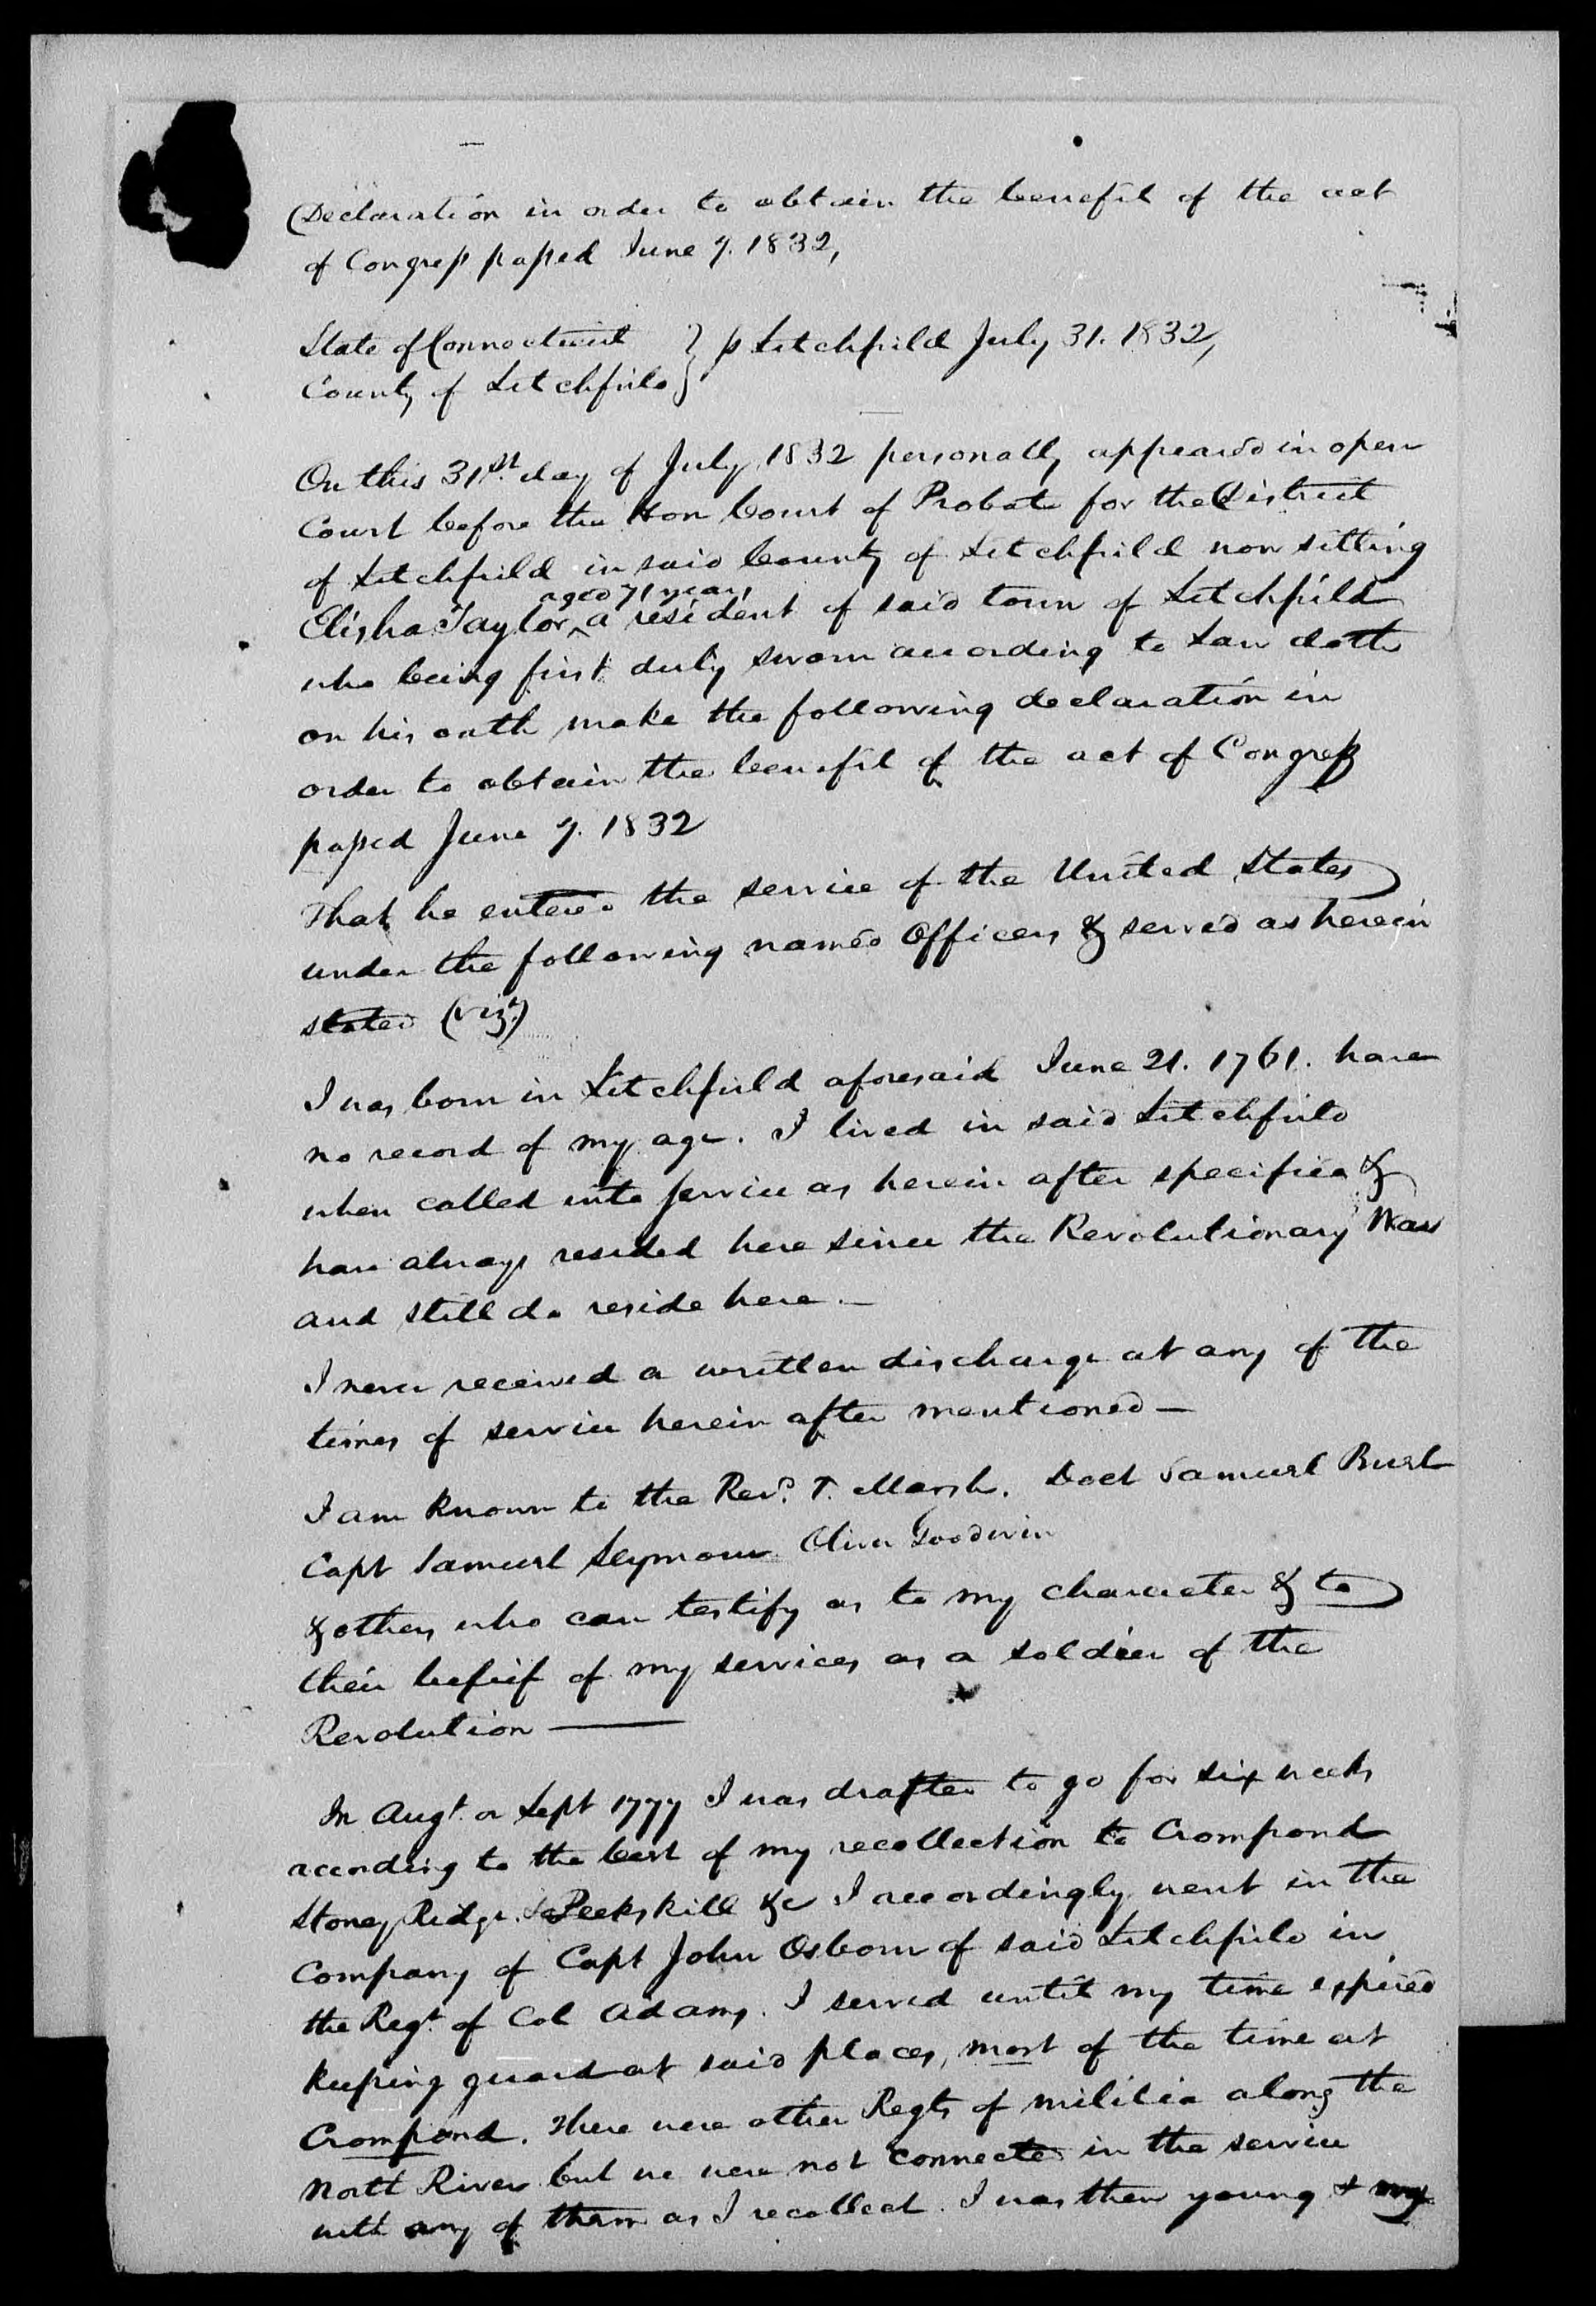Declaration in order to obtain the benefit of the act of Congress passed June 7, 1832,
State of Connecticut County of Litchfield Litchfield July 31, 1832
On this 31st day of July 1832 personally appeared in open Court before the Hon Court of Probate for the District of Litchfield in said County of Litchfield now sitting Elisha Taylor aged 71 years, a resident of said town of Litchfield who being first duly sworn according to law doth on his oath, make the following declaration in order to obtain the benefit of the act of Congress passed June 7, 1832
That he entered the service of the United States under the following names Officer & served as herein stated (viz)
I was born in Litchfield aforesaid June 21, 1761, having no record of my age. I lived in said Litchfield when called into service as hereinafter specified & have always resided here since the Revolutionary War and still do reside here.
I never received a written discharge at any of the times of service herein after mentioned.
I am known to the Revd. Tellanh. Deet Samuel Bush Capt Samuel Seymour  Oliver Goodwin. Others who can testify as to my character & to their belief of my services as a soldier of the Revolution.
In Augt or Sept 1777 I was drafted to go for six weeks acending to the best of my recollection to Cromped Stoney Ridge Peekskill&c. I accordingly went in the Company of Capt John Osborn of said Litchfield in the Regt. of Col. Adams. I served until my time expired, keeping guard at said places, most of the time at Crompend.  There were other Regts of militia along the Mott River but we were not connected in the service with any of them as I recalled. I was then young & my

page: 3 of 16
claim: survivor's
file: S. 17722, for Elisha Taylor, Connecticut